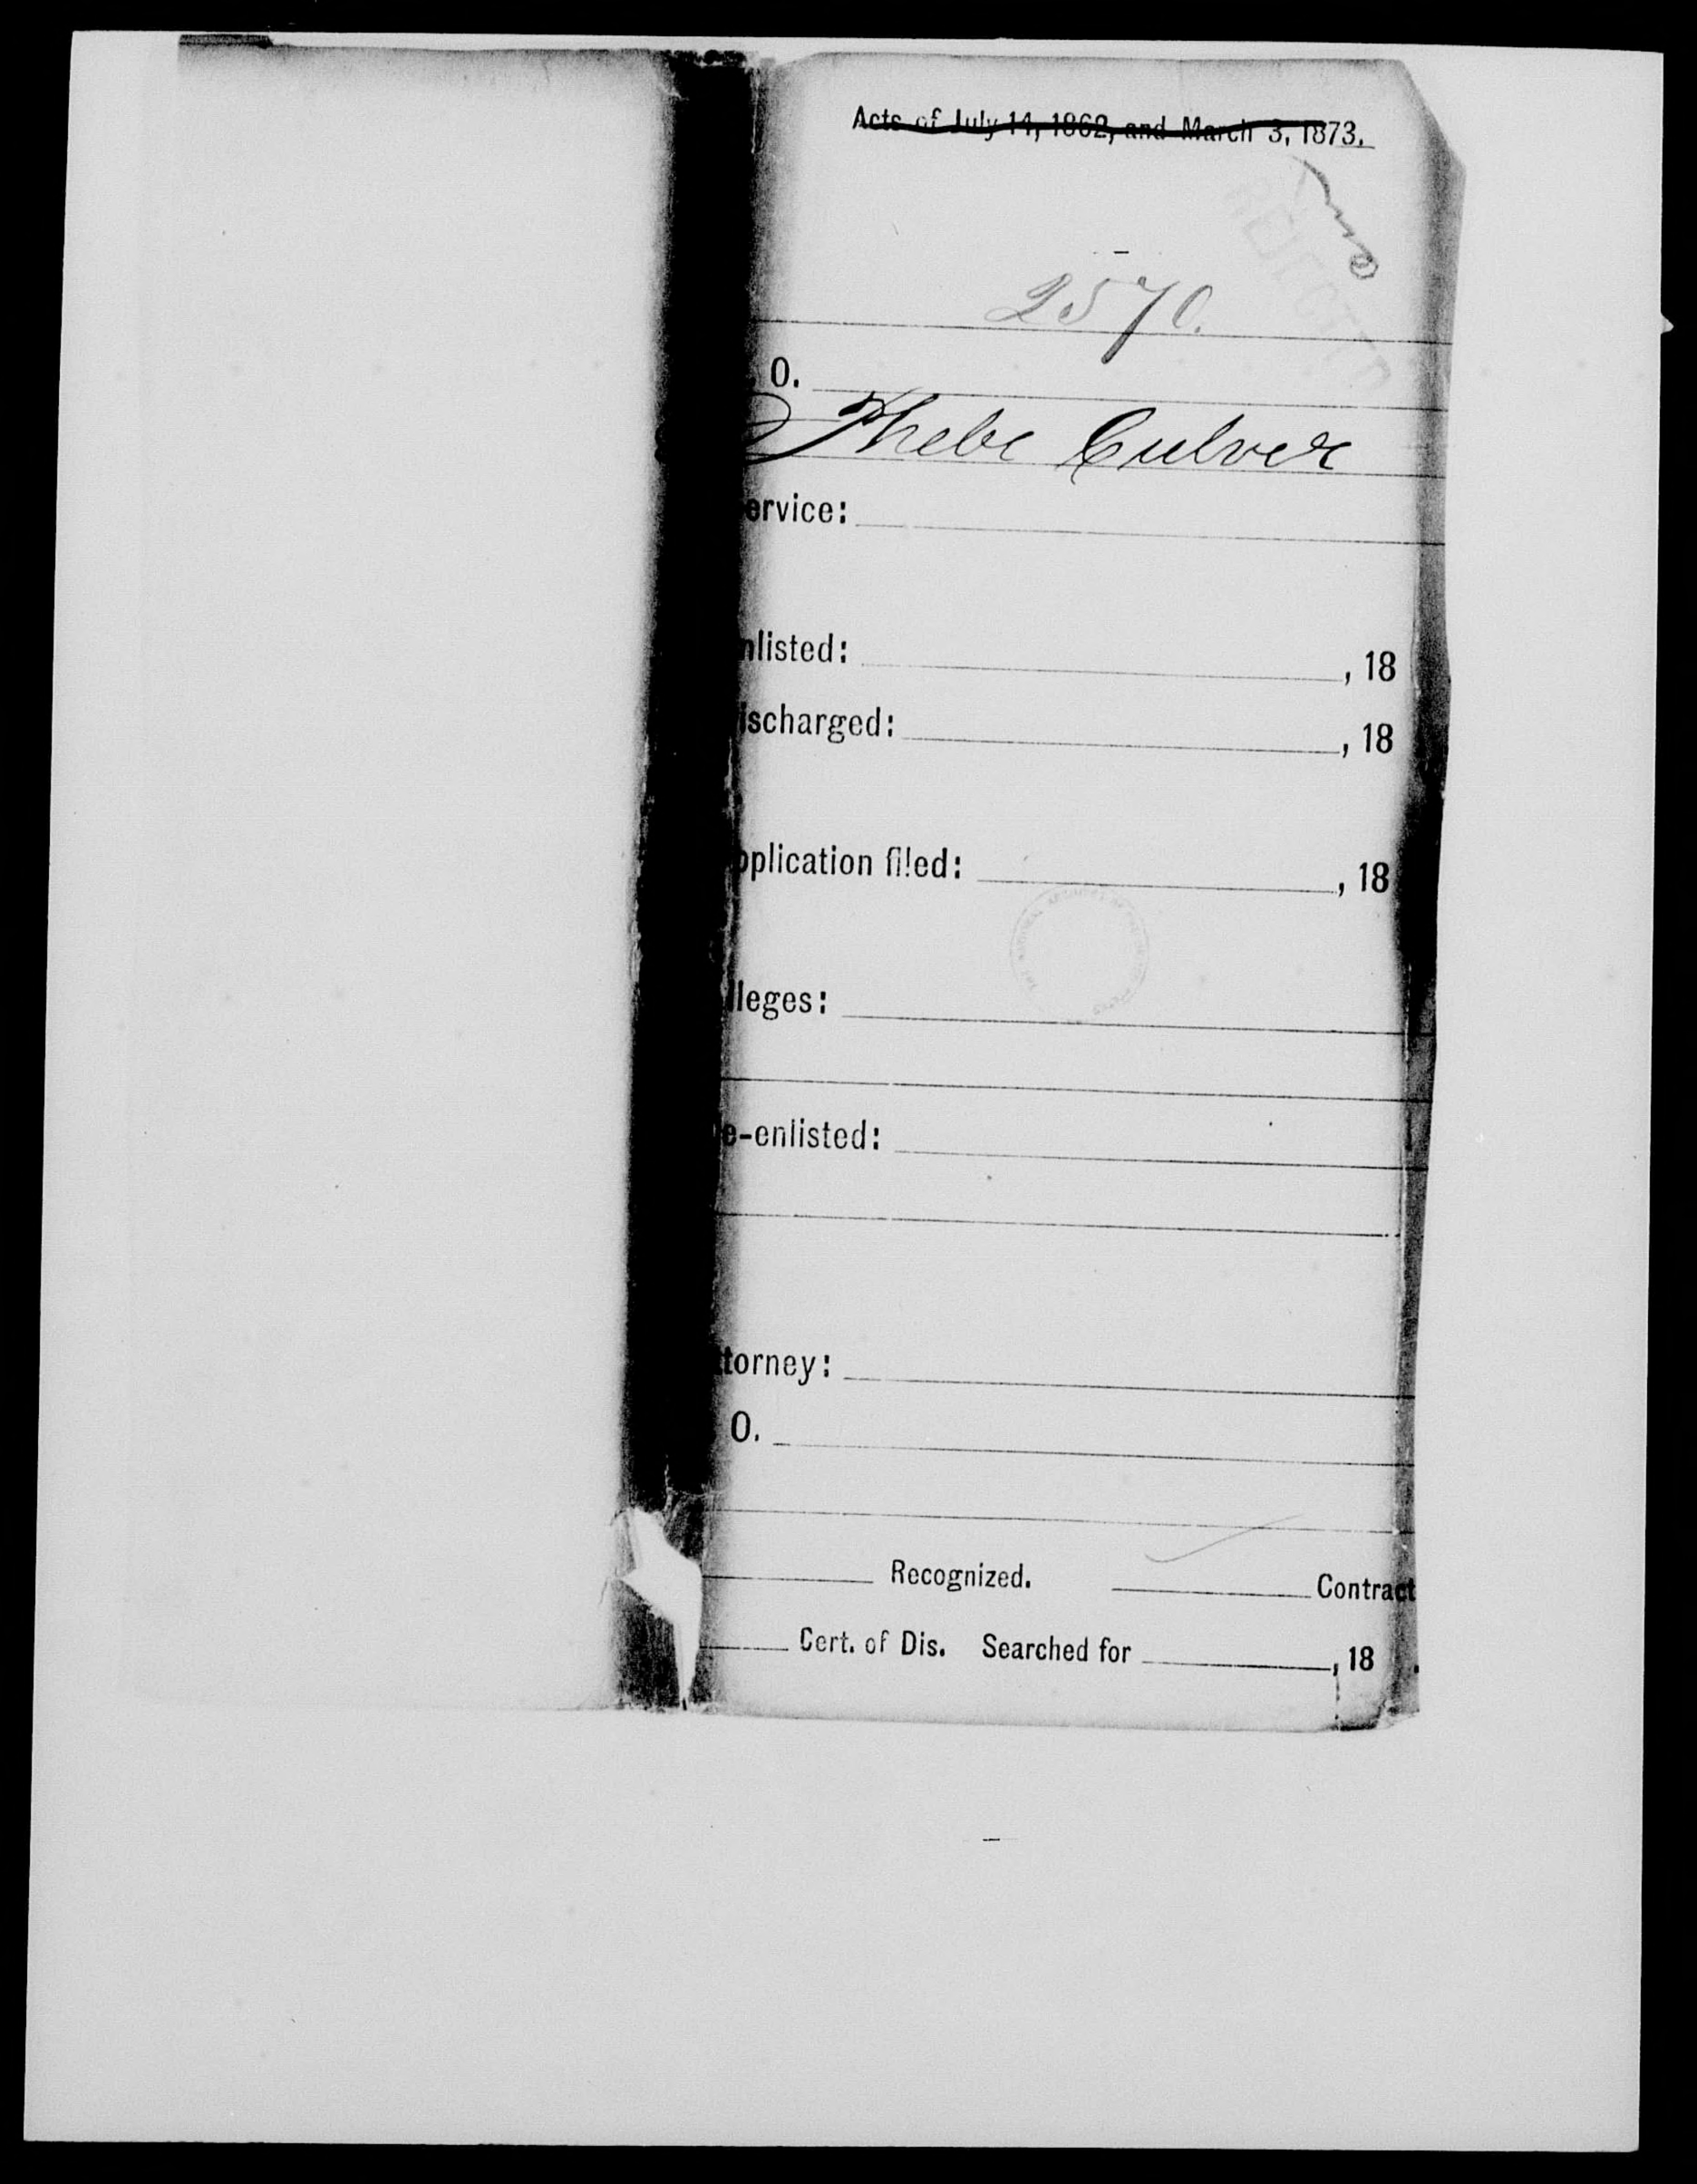Acts of July 14, 1862 and March 3, 1873

2570.

Phebe Culver

REJECTED [STAMP]

[Illegible initials]

[stamp – The National Archives of the United States]

[checkmark] Contract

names: Phebe Culver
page: 18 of 40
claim: rejected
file: R. 1,570, Samuel Culver, New Jersey